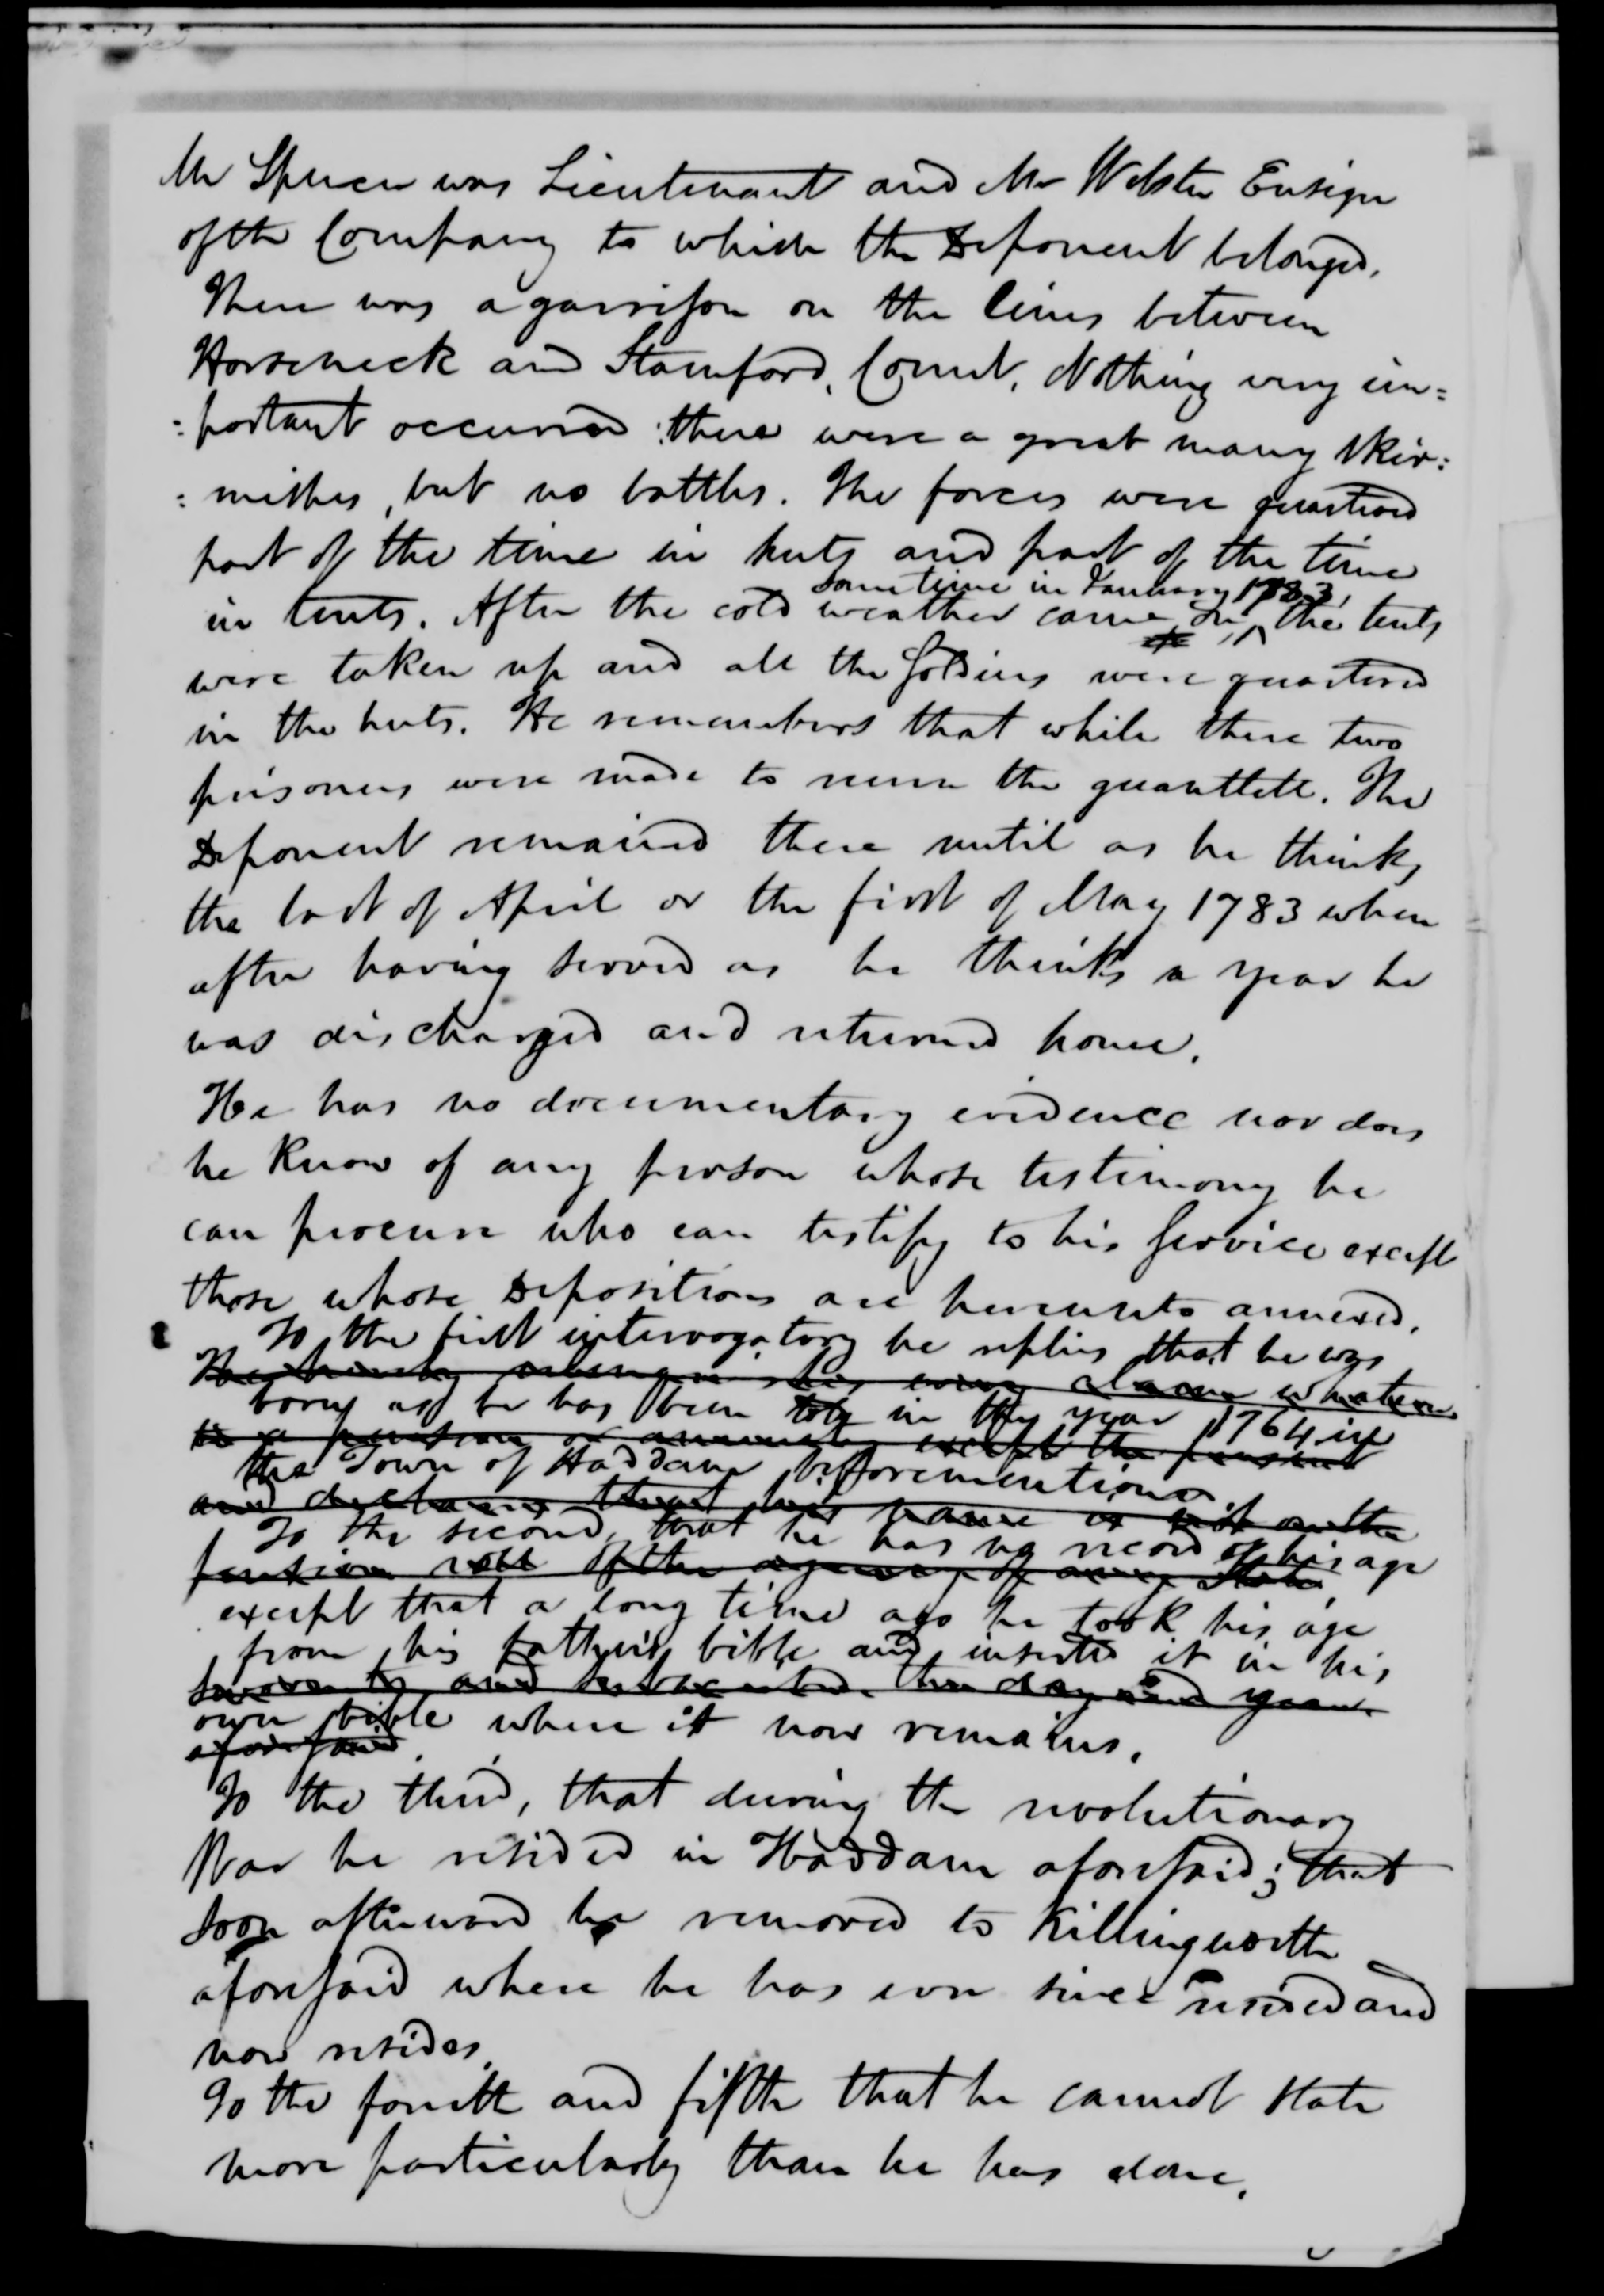Mr Spencer was Lieutenant and Mr Webster Ensign of the Company to which the deponent belonged. There was a garrison on the lines between Horseneck and Stamford, Connt. Nothing very important occurred: there were a great many skirmishes, but no battles. The forces were quartered part of the time in huts and part of the time in tents. After the cold weather came on the same time in January 1783, the tents were taken up and all the soldiers were quartered in the huts. He remembers that while there, two prisoners were made to run the guantlett. The deponent remained there until as he thinks the last of April or the first of May 1783 when after having served as he thinks a year he was discharged and returned home.
He has no documentary evidence nor does he know of any person whose testimony he can percan who can testify to his service except those whose depositions are hereunto annexed.
To the first interogatory he replies that he was born as he has been in the year 1764 in the Town of Haddam beforementioned.
To the second, that he has no record of his age except that a long time ago he took his age from his father’s bible and inserts it in his own bible where it now remains.
To the third, that during the revolutionary War he resided in Haddam aforesaid; that soon afterward he removed to Killingworth aforesaid where he has since lived retired and now resides.
To the fourth and fifth that he cannot state more particularly than he has done.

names: Webster, Spencer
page: 19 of 46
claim: widow's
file: W. 18,417, James Willcox, Conn.